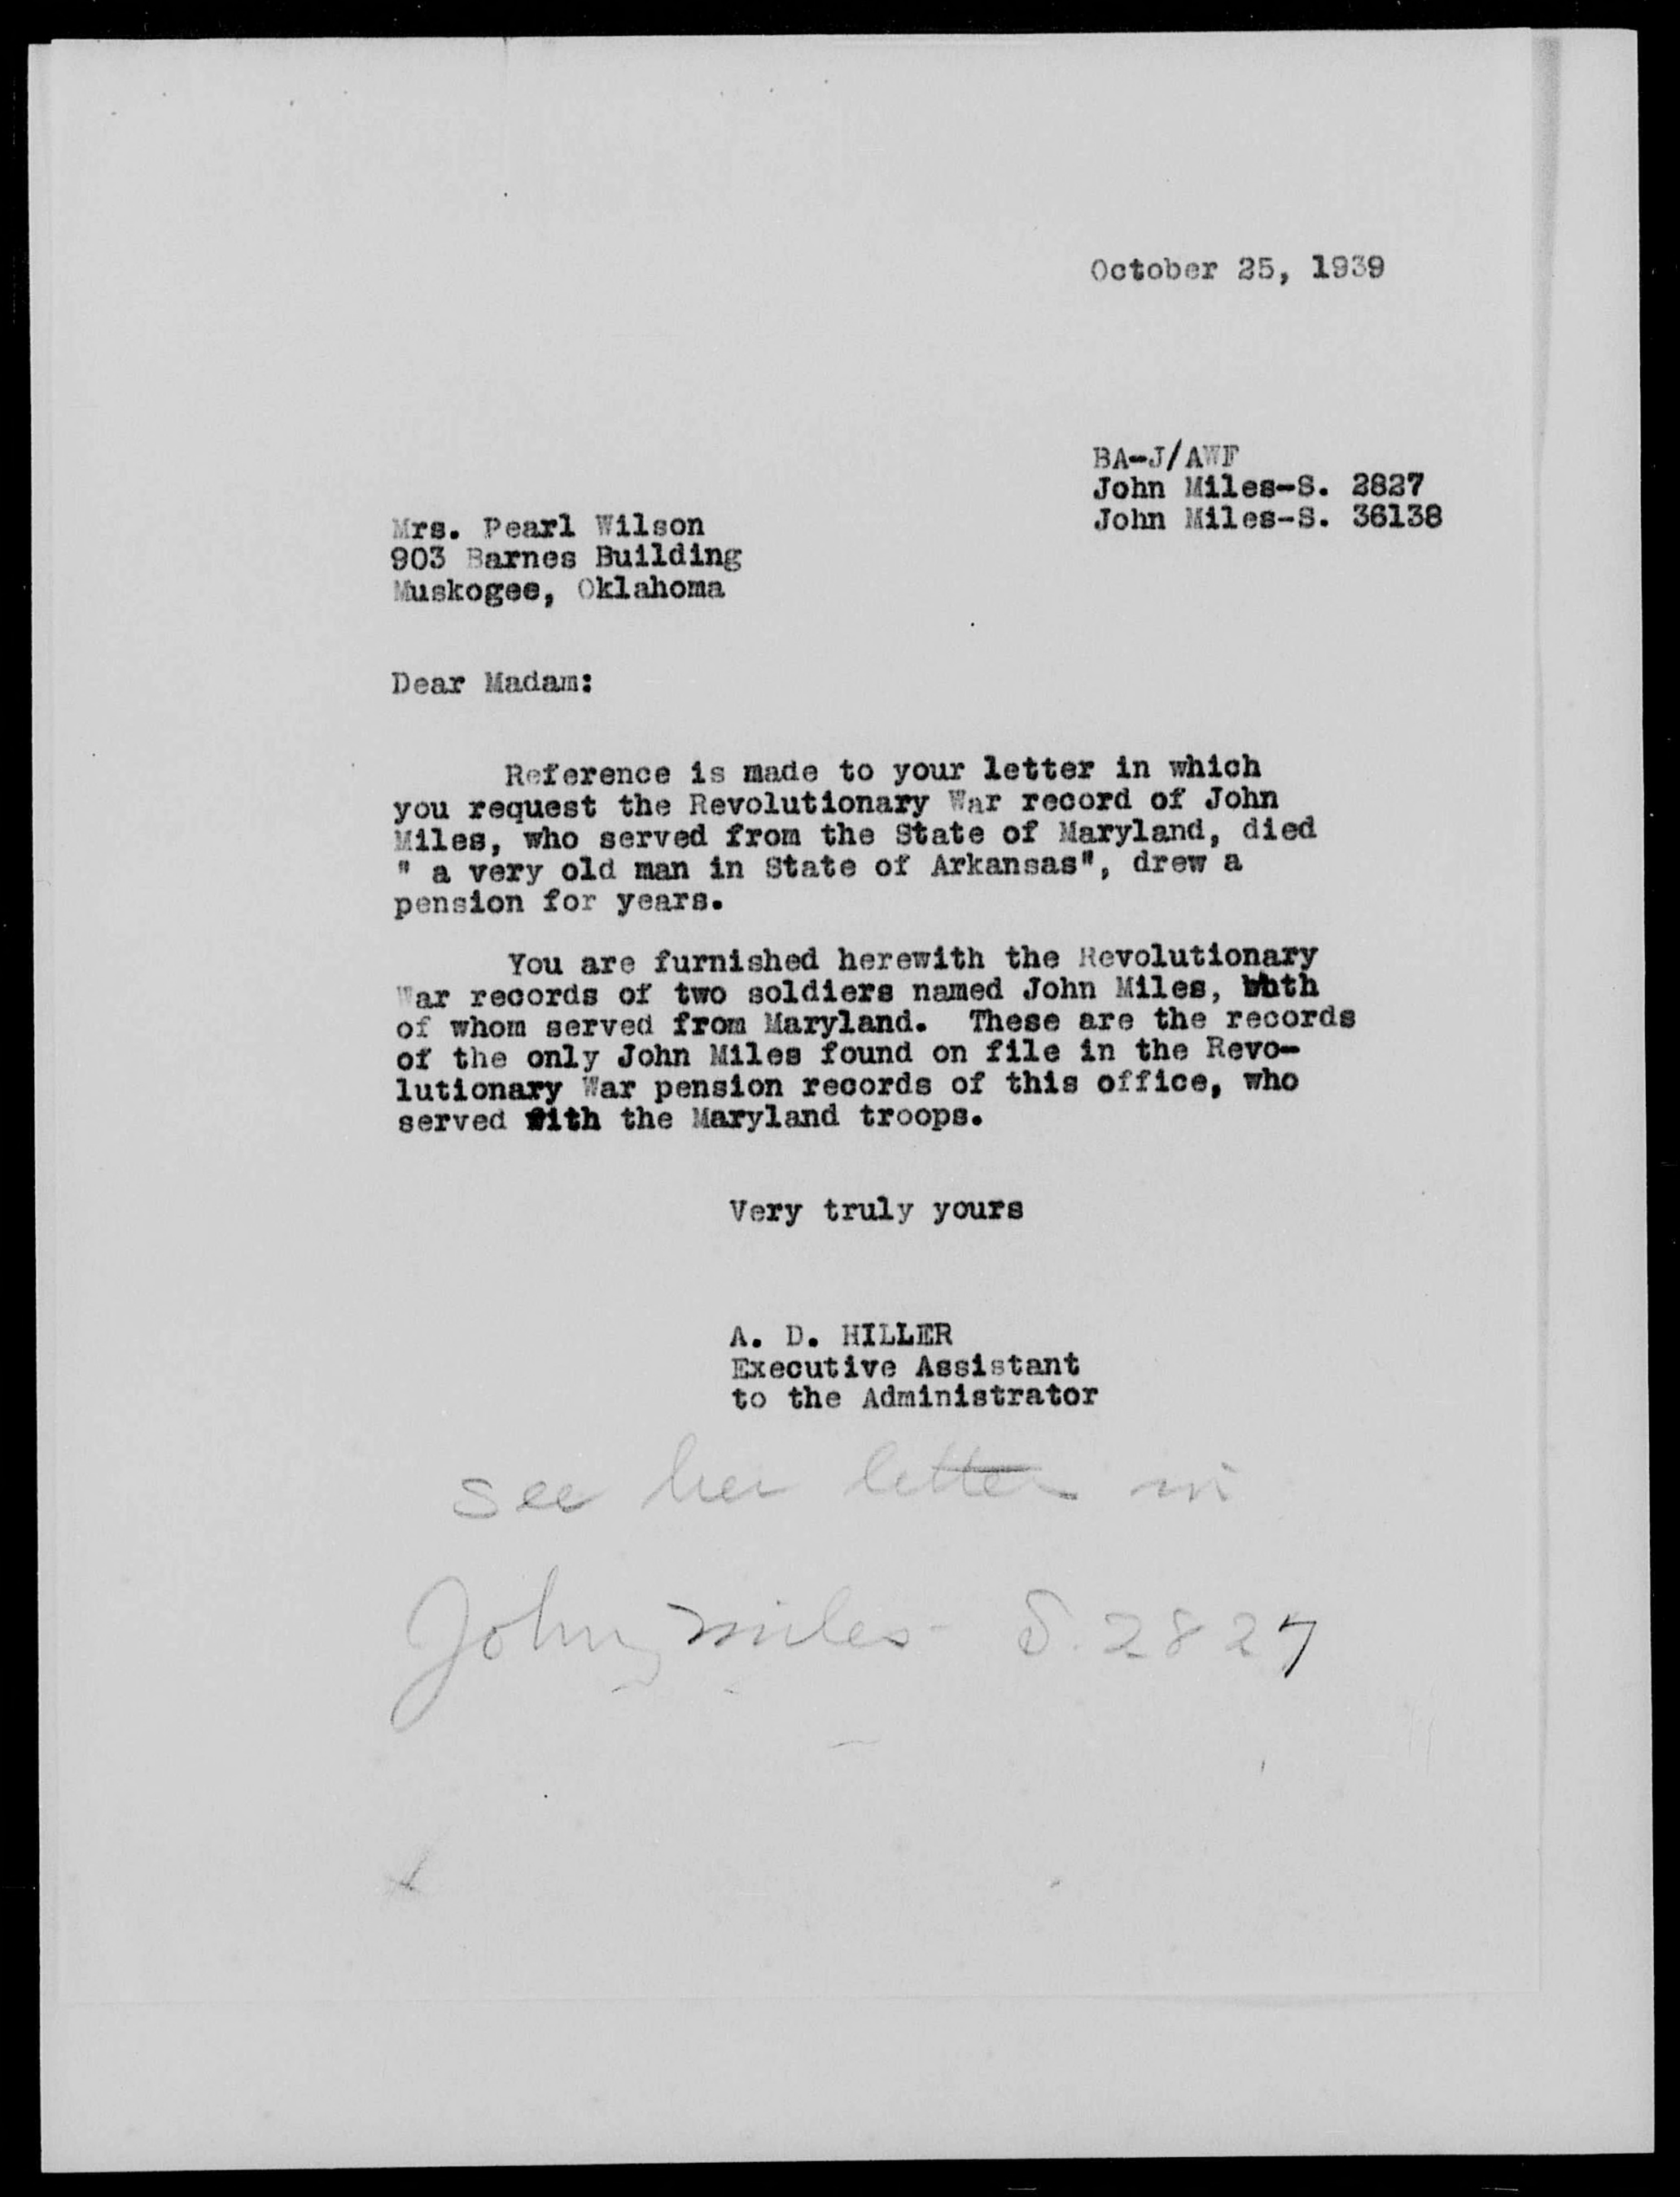October 25, 1939

BA-J/AWF
John Miles-S. 2827
John Miles-S. 36138

Mrs. Pearl Wilson
903 Barnes Building
Muskogee, Oklahoma

Dear Madam:

Reference is made to your letter in which
you request the Revolutionary War record of John Miles, who served from the State of Maryland, died "a very old man in State of Arkansas," drew a pension for years.

You are furnished herewith the Revolutionary War records of two soldiers name John Miles, both of whom served from Maryland. These are the records of the only John Miles found on file in the Revolutionary War pension records of this office, who served with the Maryland troops.

Very truly yours

A.D. HILLER
Executive Assistant
to the Administrator

[hand signed] see her letter in 
John miles S2827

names: A D Hiller; Pearl Wilson; John Miles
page: 15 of 24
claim: survivor's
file: S 36138, for John Miles, Maryland